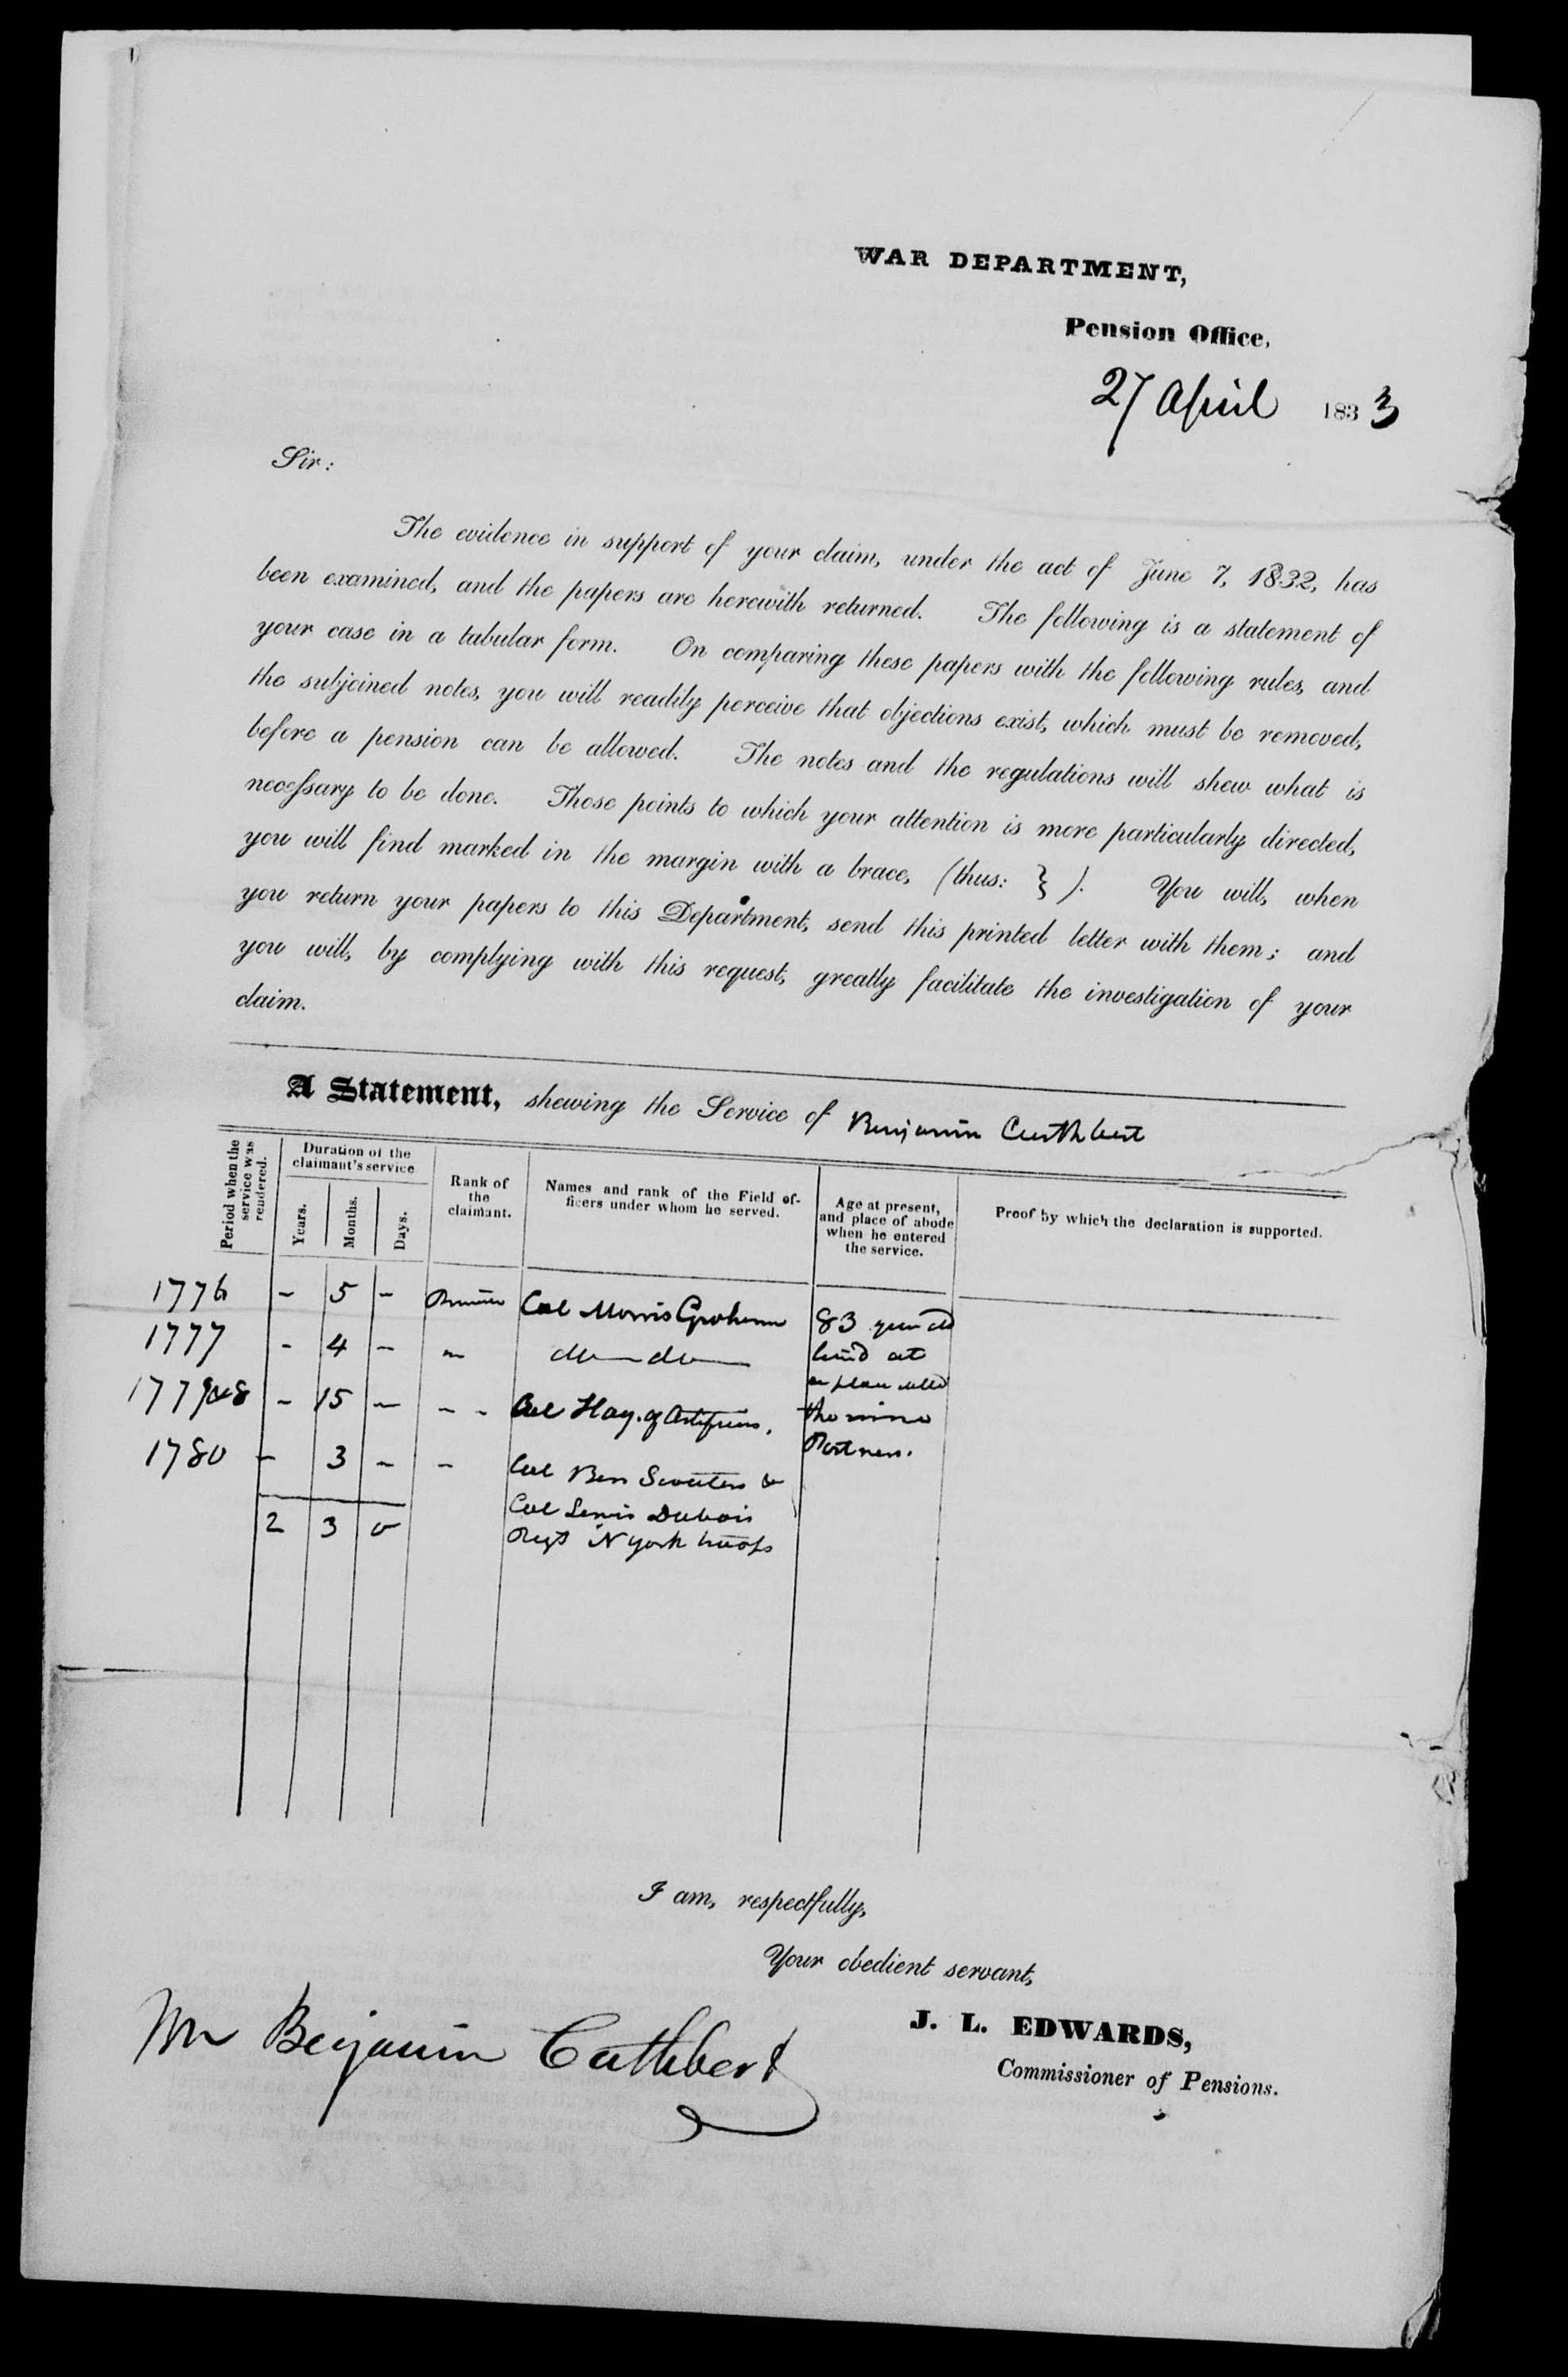WAR DEPARTMENT,
Pension Office,
27 April 1833
Sir:
The evidence in support of your claim, under the act of June 7, 1832, has
been examined, and the papers are herewith returned. The following is a statement of
your case in a tabular form.  On comparing these papers with the following rules, and
the subjoined notes, you will readily perceive that objections exist, which must be removed,
before a pension can be allowed.  The notes and the regulations will shew what is
necessary to be done. Those points to which your attention is more particularly directed,
you will find marked in the margin with a brace, (thus: }).  You will, when
you return your papers to this Department, send this printed letter with them; and
you will, by complying with this request greatly facilitate the investigation of your
claim.

A Statement, showing the Service of Benjamin Cuthbert

Period when the service was rendered.  Duration of the claimant's service.   Names and rank of the Field officers under whom he served.  Age at present, and place of abode when he entered the service.  Proof by which the declaration is supported.

1776  - 5 -  Private  Col Morris Graham  83 years old lived at a [illegible] [illegible] the [illegible] [illegible]
1777  - 4 -  -- [illegible]
1779&8 - 15 -  -- Col. Hay of Artificers
1780 - 3 -  -- Col Ben [Swerters?] & Col Lewis Dubois Regts N. York troops
         2 3 0

I am respectfully,
Your obedient servant,
J. L. Edwards,
Commissioner of Pensions
Mr. Benjamin Cuthbert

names: Morris Graham, Ben Scouton, Benjamin Cuthbert, Benjamin Cuthbert, Hay, J L Edwards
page: 4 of 41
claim: survivor's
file: S. 12654, Benjamin Cuthbert, Continental New York Privateer